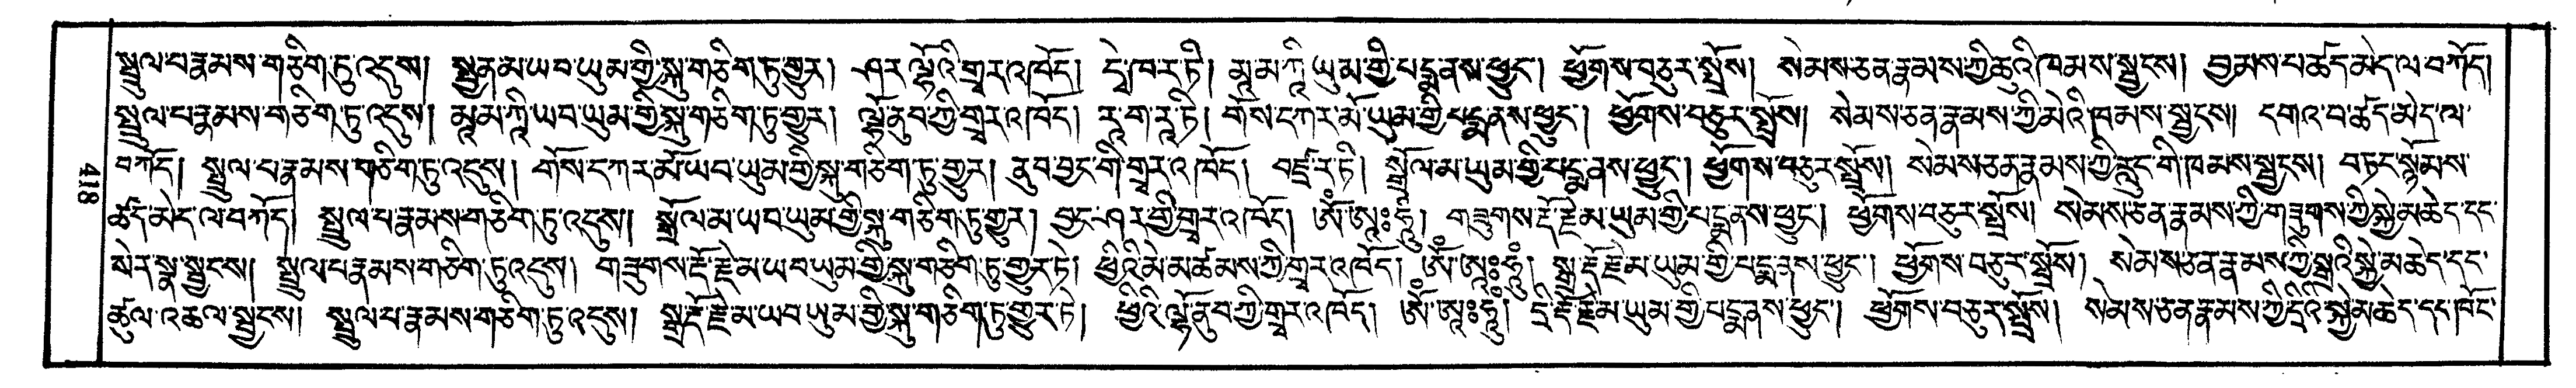སྤྲུལ་པ་རྣམས་གཅིག་ཏུ་འདུས། སྤྱན་མ་ཡབ་ཡུམ་གྱི་སྐུ་གཅིག་ཏུ་གྱུར། ཤར་ལྷོའི་གྲྭར་འཁོད། དྭེ་ཁ་ར་ཏི། མཱ་མ་ཀཱི་ཡུམ་གྱི་པདམ་ནས་ཕྱུང་། ཕྱོགས་བཅུར་སྤྲོས། སེམས་ཅན་རྣམས་ཀྱི་ཆུའི་ཁམས་སྦྱངས། བྱམས་པ་ཚད་མེད་ལ་བཀོད།
སྤྲུལ་པ་རྣམས་གཅིག་ཏུ་འདུས། མཱ་མ་ཀཱི་ཡབ་ཡུམ་གྱི་སྐུ་གཅིག་ཏུ་གྱུར། ལྷོ་ནུབ་ཀྱི་གྲྭར་འཁོད། རཱ་ག་རཱ་ཏི། གོས་དཀར་མོ་ཡུམ་གྱི་པདམ་ནས་ཕྱུང་། ཕྱོགས་བཅུར་སྤྲོས། སེམས་ཅན་རྣམས་ཀྱི་མེའི་ཁམས་སྦྱངས། དགའ་བ་ཚད་མེད་ལ་
བཀོད། སྤྲུལ་པ་རྣམས་གཅིག་ཏུ་འདུས། གོས་དཀར་མོ་ཡབ་ཡུམ་གྱི་སྐུ་གཅིག་ཏུ་གྱུར། ནུབ་བྱང་གི་གྲྭར་འཁོད། བཛྲ་ར་ཏི། སྒྲོལ་མ་ཡུམ་གྱི་པདམ་ནས་བྱུང་། ཕྱོགས་བཅུར་སྤྲོས། སེམས་ཅན་རྣམས་ཀྱི་རླུང་གི་ཁམས་སྦྱངས། བཏང་སྙོམས་
ཚད་མེད་ལ་བཀོད། སྤྲུལ་པ་རྣམས་གཅིག་ཏུ་འདུས། སྒྲོལ་མ་ཡབ་ཡུམ་གྱི་སྐུ་གཅིག་ཏུ་གྱུར། བྱང་ཤར་གྱི་གྲྭར་འཁོད། ཨོཾ་ཨཱཿ ཧཱུཾ། གཟུགས་རྡོ་རྗེ་མ་ཡུམ་གྱི་པདམ་ནས་ཕྱུང་། ཕྱོགས་བཅུར་སྤྲོས། སེམས་ཅན་རྣམས་ཀྱི་གཟུགས་ཀྱི་སྐྱེ་མཆེད་དང་
སེར་སྣ་སྦྱངས། སྤྲུལ་པ་རྣམས་གཅིག་ཏུ་འདུས། གཟུགས་རྡོ་རྗེ་མ་ཡབ་ཡུམ་གྱི་སྐུ་གཅིག་ཏུ་གྱུར་ཏེ། ཕྱིའི་མེ་མཚམས་ཀྱི་གྲྭར་འཁོད། ཨོཾ་ཨཱཿ ཧཱུཾ། སྒྲ་རྡོ་རྗེ་མ་ཡུམ་གྱི་པདམ་ནས་ཕྱུང་། ཕྱོགས་བཅུར་སྤྲོས། སེམས་ཅན་རྣམས་ཀྱི་སྒྲའི་སྐྱེ་མཆེད་དང་
ཚུལ་འཆལ་སྦྱངས། སྤྲུལ་པ་རྣམས་གཅིག་ཏུ་འདུས། སྒྲ་རྡོ་རྗེ་མ་ཡབ་ཡུམ་གྱི་སྐུ་གཅིག་ཏུ་གྱུར་ཏེ། ཕྱིའི་ལྷོ་ནུབ་ཀྱི་གྲྭར་འཁོད། ཨོཾ་ཨཱཿ ཧཱུཾ། དྲི་རྡོ་རྗེ་མ་ཡུམ་གྱི་པདམ་ནས་ཕྱུང་། ཕྱོགས་བཅུར་སྤྲོས། སེམས་ཅན་རྣམས་ཀྱི་དྲིའི་སྐྱེ་མཆེད་དང་ཁོང་